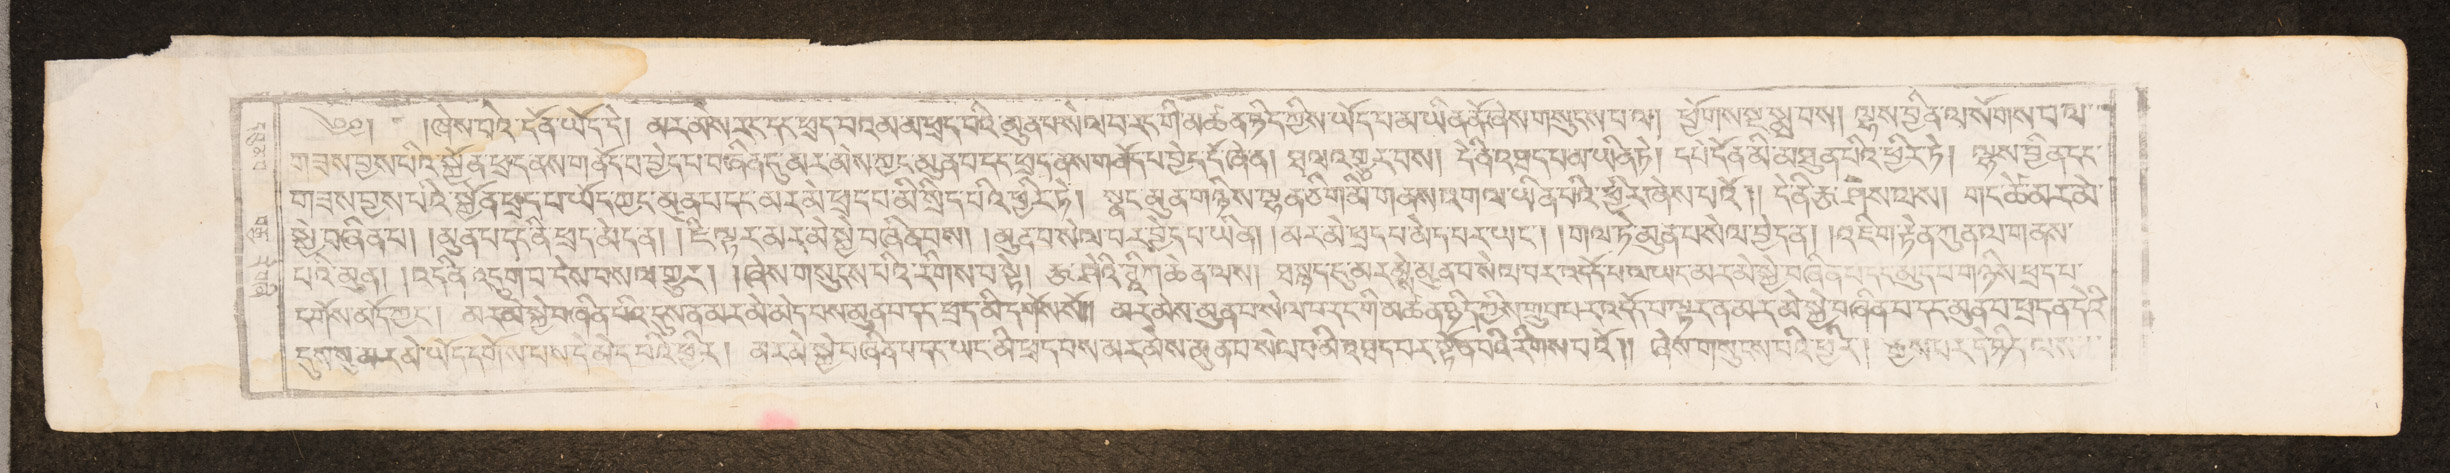༄༅། །ཞེས་པའི་དོན་ཡོད་དེ། མར་མེས་རང་དང་ཕྲད་པའམ་མ་ཕྲད་པའི་མུན་པ་སེལ་བ་རང་གི་མཚན་ཉིད་ཀྱིས་ཡོད་པ་མ་ཡིན་ནོ་ཞེས་གསུངས་པ་ལ། ཕྱོགས་སྔ་སྨྲ་བས། ལྷས་བྱིན་ལ་སོགས་པ་ལ་
གཟས་བྱས་པའི་སྐྱོན་ཕྲད་ནས་གནོད་པ་བྱེད་པ་བཞིན་དུ་མར་མེས་ཀྱང་མུན་པ་དང་ཕྲད་ནས་གནོད་པ་བྱེད་དོ་ཞེ་ན། ཐལ་འགྱུར་བས། དེ་ནི་འཐད་པ་མ་ཡིན་ཏེ། དཔེ་དོན་མི་མཐུན་པའི་ཕྱིར་ཏེ། ལྷས་བྱིན་དང་
གཟས་བྱས་པའི་སྐྱོན་ཕྲད་པ་ཡོད་ཀྱང་མུན་པ་དང་མར་མེ་ཕྲད་པ་མི་སྲིད་པའི་ཕྱིར་ཏེ། སྣང་མུན་གཉིས་ལྷན་ཅིག་མི་གནས་འགལ་ཡིན་པའི་ཕྱིར་ཞེས་པའོ། །དེ་ནི་རྩ་ཤེས་ལས། གང་ཚེ་མར་མེ་
སྐྱེ་བཞིན་པ། །མུན་པ་དང་ནི་ཕྲད་མེད་ན། །ཇི་ལྟར་མར་མེ་སྐྱེ་བཞིན་པས། །མུན་པ་སེལ་བར་བྱེད་པ་ཡིན། །མར་མེ་ཕྲད་པ་མེད་པར་ཡང་། །གལ་ཏེ་མུན་པ་སེལ་བྱེད་ན། །འཇིག་རྟེན་ཀུན་ལ་གནས་
པའི་མུན། །འདི་ན་འདུག་པ་ངེས་བསལ་གྱུར། །ཞེས་གསུངས་པའི་རིགས་པ་སྟེ། རྩ་ཤེའི་ཊཱིཀ་ཆེན་ལས། ཐ་སྙད་དུ་མར་མེས་མུན་པ་སེལ་བར་འདོད་པ་ལ་ཡང་མར་མེ་སྐྱེ་བཞིན་པ་དང་མུན་པ་གཉིས་ཕྲད་པ་
དགོས་མོད་ཀྱང་། མར་མེ་སྐྱེ་བཞིན་པའི་དུས་ན་མར་མེ་མེད་པས་མུན་པ་དང་ཕྲད་མི་དགོས་སོ། མར་མེས་མུན་པ་སེལ་བ་རང་གི་མཚན་ཉིད་ཀྱིས་གྲུབ་པར་འདོད་པ་ལྟར་ན་མར་མེ་སྐྱེ་བཞིན་པ་དང་མུན་པ་ཕྲད་ན་དེའི་
དུས་སུ་མར་མེ་ཡོད་དགོས་པས་དེ་མེད་པའི་ཕྱིར། མར་མེ་སྐྱེ་བཞིན་པ་དང་ཡང་མི་ཕྲད་པས་མར་མེས་མུན་པ་སེལ་བ་མི་འཐད་པར་སྟོན་པའི་རིགས་པའོ། །ཞེས་གསུངས་པའི་ཕྱིར། རྒྱས་པར་དེ་ཉིད་ལས་